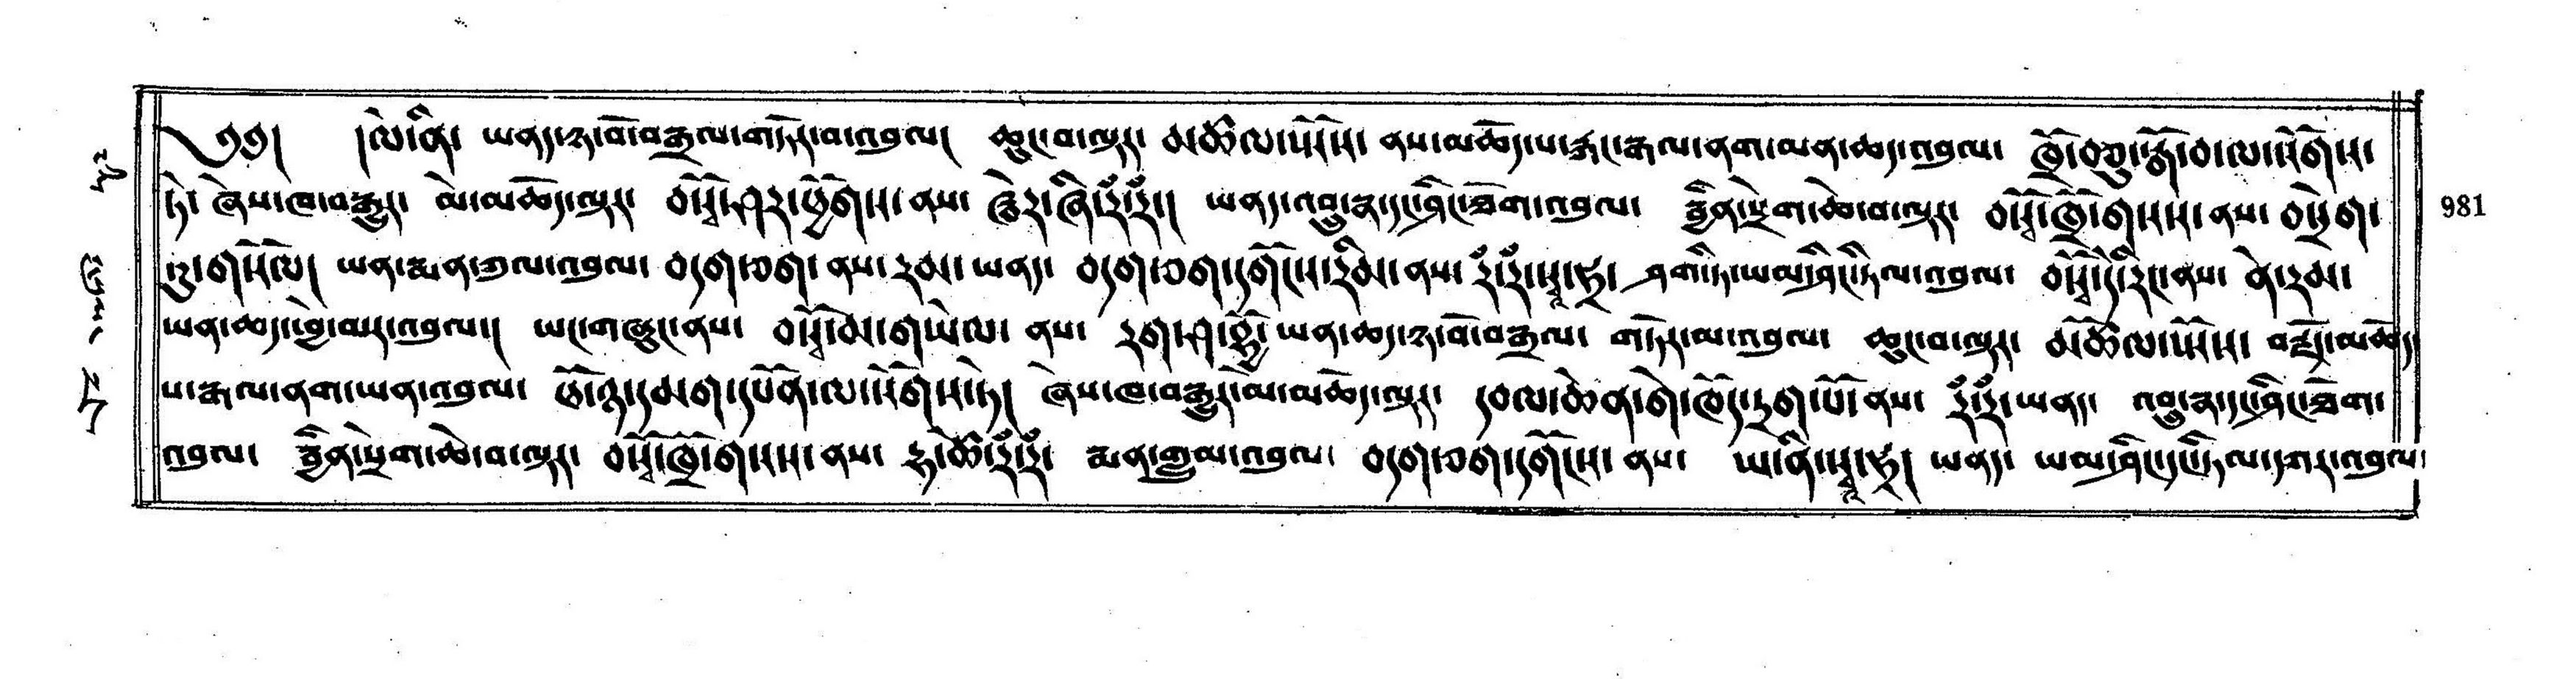ལེ་ནི་ཡན་ཆད་ཉ་བོ་བསྒྲལ་གཏོར་མ་འབུལ། ཆུང་བ་ལྟར་མཚལ་སྤོས་ནས་མཆོད་པ་རྐང་སྒལ་ནག་མན་ཆད་འབུལ་ཁྲོ་བཅུ་སྒོ་བ་ལ་སོགས་
ཏེ་ཞེས་ཁ་བསྒྱུར་མེ་མཆོད་ལྟར་བསྭོ་ཤར་ཕྱོགས་ནས་ཝེར་ཞི་རཾ་རཾ། ཡན་ཆད་འབྲུ་སྣ་དང་ཤིང་ཐོག་འབུལ་སྦྱིན་སྲེག་ཆེ་བ་ལྟར་བསྭོ་ཁྲོ་གསས་ནས་བསྲེག་
ཏུ་གསོལ། ཡན་སྨན་ཀུལ་འབུལ་བདག་ཅག་ནས་རམ་ཡན་ཆད་བདག་ཅག་དགོངས་རིམ་ནས་རཾ་རཾ་སྭཱཧཱ་ཤག་ཏི་ཡམ་ཤིང་ཏིལ་འབུལ་བསྭོ་དེ་རིང་ནས་ནེ་རམ་
ཡན་ཆད་ཕྱེ་མར་འབུལ། ཡང་གཞུང་ནས་བསྭོ་མ་གཡེལ་ནས་རག་ཤ་བྷྱོ་ཡན་ཆད་ཉ་བོ་བསྒྲལ་གཏོར་མ་འབུལ་ཆུང་བ་ལྟར་མཚལ་སྤོས་བརྗོད་མཆོད་
པ་སྒལ་ནག་ཡན་འབུལ་ཕོ་ཉ་དམག་དཔོན་ལ་སོགས་ཏེ། ཞེས་ཁ་བསྒྱུར་མེ་མཆོད་ལྟར་དབལ་ཆེན་གེ་ཁོད་དྲག་པོ་ནས་རཾ་རཾ་ཡན་ཆད་འབྲུ་སྣ་དང་ཤིང་ཐོག་
འབུལ་སྦྱིན་སྲེག་ཆེ་བ་ལྟར་བསྭོ་ཁྲོ་གསས་ནས་དྷ་ཚེ་རཾ་རཾ་སྨན་གླུམ་འབུལ་བདག་ཅག་དགོངས་ནས་ཡ་ནི་སྭཱཧཱ། ཡན་ཆད་ཡམ་ཤིང་དང་ཏིལ་དཀར་འབུལ་